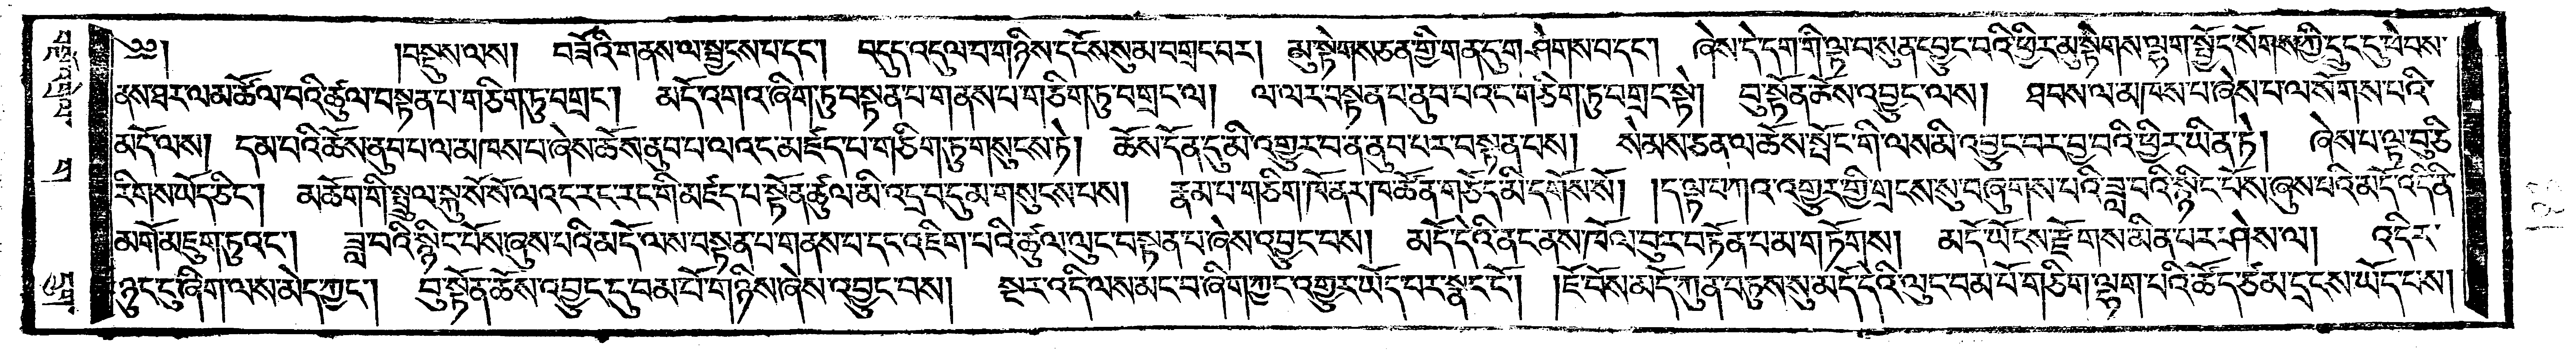༄༅། །བསྡུས་ལས། བཟོའི་གནས་ལ་སྦྱངས་པ་དང་། བདུད་འདུལ་བ་གཉིས་དངོས་སུམ་བགྲང་བར། མུ་སྟེགས་ཅན་གྱི་གན་དུ་གཤེགས་པ་དང་། ཞེས་དེ་དག་གི་ལྟ་བ་སུན་དབྱུང་བའི་ཕྱིར་མུ་སྟེགས་ལྷག་སྤྱོད་སོགས་ཀྱི་དྲུང་དུ་ཕེབས་
ནས་ཐར་ལམ་ཚོལ་བའི་ཚུལ་བསྟན་པ་གཅིག་ཏུ་བགྲང་། མདོ་འགའ་ཞིག་ཏུ་བསྟན་པ་གནས་པ་གཅིག་ཏུ་བགྲང་ལ། ལ་ལར་བསྟན་པ་ནུབ་པའང་གཅིག་ཏུ་བགྲང་སྟེ། བུ་སྟོན་ཆོས་འབྱུང་ལས། ཐབས་ལ་མཁས་པ་ཞེས་པ་ལ་སོགས་པའི་
མདོ་ལས། དམ་པའི་ཆོས་ནུབ་བལ་མཁས་པ་ཞེས་ཆོས་ནུབ་བ་ལའང་མཛད་པ་གཅིག་ཏུ་གསུངས་ཏེ། ཆོས་དོན་དུ་མི་འགྱུར་བ་ན་ནུབ་པར་བསྟན་པས། སེམས་ཅན་ལ་ཆོས་སྤོང་གི་ལས་མི་འབྱུང་བར་བྱ་བའི་ཕྱིར་ཡིན་ཏེ། ཞེས་པ་ལྟ་བུ་ཅི་
རིགས་ཡོད་ཅིང་། མཆོག་གི་སྤྲུལ་སྐུ་སོ་སོ་ལའང་རང་རང་གི་མཛད་པ་སྟོན་ཚུལ་མི་འདྲ་བ་དུ་མ་གསུངས་པས། རྣམ་པ་གཅིག་ཁོ་ནར་ཁ་ཚོན་གཅོད་མི་དགོས་སོ། །ད་ལྟ་བཀའ་འགྱུར་གྱི་གྲངས་སུ་བཞུགས་པའི་ཟླ་བའི་སྙིང་པོས་ཞུས་པའི་མདོ་འདི་ནི་
མགོ་མཇུག་ཏུའང་། ཟླ་བའི་སྙིང་པོས་ཞུས་པའི་མདོ་ལས་བསྟན་པ་གནས་པ་དང་འཇིག་པའི་ཚུལ་ལུང་བསྟན་པ་ཞེས་འབྱུང་བས། མདོ་དེའི་ནང་ནས་བལ?་བུར་བཏོན་བ་མ་གཏོགས། མདོ་ཡོངས་རྫོགས་མིན་པར་ཤེས་ལ། འདིར་
ཐུང་དུ་ཞིག་ལས་མེད་ཀྱང་། བུ་སྟོན་ཆོས་འབྱུང་དུ་བམ་པོ་གཉིས་ཞེས་འབྱུང་བས། སྔར་འདི་ལས་མང་བ་ཞིག་ཀྱང་འགྱུར་ཡོད་པར་སྣང་ངོ། །ཇོ་བས་མདོ་ཀུན་བཏུས་སུ་མདོ་དེའི་ལུང་བམ་པོ་གཅིག་ལྷག་པའི་ཆོད་ཙམ་དྲངས་ཡོད་པས།